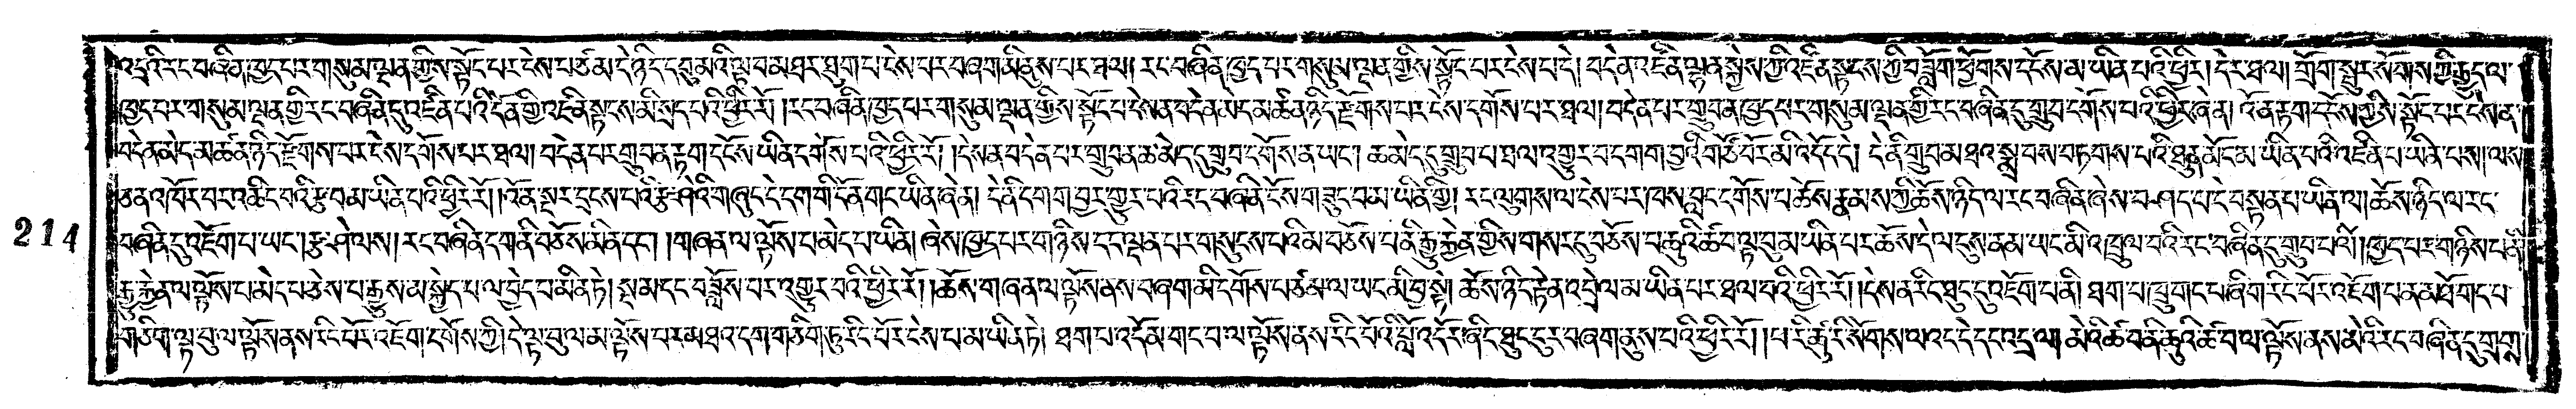འདྲའི་རང་བཞིན་ཁྱད་པར་གསུམ་ལྡན་གྱིས་སྟོང་པར་ངེས་པ་ཙམ་དེ་ཉིད་དབུ་མའི་ལྟ་བ་མཐར་ཐུག་པ་ངེས་པར་བཞག་མི་ནུས་པར་ཐལ། རང་བཞིན་ཁྱད་པར་གསུམ་ལྡན་གྱིས་སྟོང་པར་ངེས་པ་དེ། བདེན་འཛིན་ལྷན་སྐྱེས་ཀྱི་འཛིན་སྟངས་ཀྱི་བཟློག་ཕྱོགས་དངོས་མ་ཡིན་པའི་ཕྱིར། དེར་ཐལ། གྲོག་སྤུར་སོགས་ཀྱི་རྒྱུད་ལ་
ཁྱད་པར་གསུམ་ལྡན་གྱི་རང་བཞིན་དུ་འཛིན་པའི་དོན་གྱི་འཛིན་སྟངས་མི་སྲད་པའི་ཕྱིར་རོ། །རང་བཞིན་ཁྱད་པར་གསུམ་ལྡན་གྱིས་སྟོང་པ་དེས་ན་བདེན་མེད་མཚན་ཉིད་རྫོགས་པར་དེས་དགོས་པར་ཐལ། བདེན་པར་གྲུབ་ན་ཁྱད་པར་གསུམ་ལྡན་གྱི་རང་བཞིན་དུ་གྲུབ་དགོས་པའི་ཕྱིར་ཞེ་ན། འོ་ན་རྟག་དངོས་ཀྱིས་སྟོང་པར་ངེས་ན་
བདེན་མེད་མཚན་ཉིད་རྫོགས་པར་ངེས་དགོས་པར་ཐལ། བདེན་པར་གྲུབ་ན་རྟག་དངོས་ཡིན་དགོས་པའི་ཕྱིར་རོ། །དེས་ན་བདེན་པར་གྲུབ་ན་ཆ་མེད་དུ་གྲུབ་དགོས་ན་ཡང་། ཆ་མེད་དུ་གྲུབ་པ་ཐལ་འགྱུར་བ་དགག་བྱའི་གཙོ་བོར་མི་འདོད་དེ། དེ་ནི་གྲུབ་མཐའ་སྨྲ་བས་བཏགས་པའི་ཐུན་མོང་མ་ཡིན་པའི་འཛིན་པ་ཡིན་པས། ལས་
ཅན་འཁོར་བར་འཆིང་བའི་རྩ་བ་མ་ཡིན་པའི་ཕྱིར་རོ། །འོ་ན་སྔར་དྲངས་པའི་རྩ་ཤེའི་གཞུང་དེ་དག་གི་དོན་གང་ཡིན་ཞེ་ན། དེ་ནི་དགག་བྱར་གྱུར་པའི་རང་བཞིན་ངོས་གཟུང་བ་མ་ཡིན་གྱི། རང་ལུགས་ལ་ངེས་པར་ཁས་བླང་དགོས་པ་ཆོས་རྣམས་ཀྱི་ཆོས་ཉིད་ལ་རང་བཞིན་ཞེས་བཤད་པ་དེ་བསྟན་པ་ཡིན་ལ། ཆོས་ཉིད་ལ་རང་
བཞིན་དུ་འཇོག་པ་ཡང་། རྩ་ཤེ་ལས། རང་བཞིན་དག་ནི་བཅོས་མིན་དང་། །གཞན་ལ་ལྟོས་པ་མེད་པ་ཡིན། ཞེས་ཁྱད་པར་གཉིས་དང་ལྡན་པར་གསུངས་པའི་མ་བཅོས་པ་ནི་རྒྱུ་རྐྱེན་གྱིས་གསར་དུ་བཅོས་པ་ཆུའི་ཚ་བ་ལྟ་བུ་མ་ཡིན་པར་ཆོས་དེ་ལ་དུས་ནམ་ཡང་མི་འཁྲུལ་བའི་རང་བཞིན་དུ་གྲུབ་པ་ལ། །ཁྱད་པར་གཉིས་པ་ནི་
རྒྱུ་རྐྱེན་ལ་ལྟོས་པ་མེད་པ་ཅེས་པ་རྒྱུས་མ་སྐྱེད་པ་ལ་བྱེད་པ་མིན་ཏེ། སྔ་མ་དང་བཟློས་པར་འགྱུར་བའི་ཕྱིར་རོ། །ཆོས་གཞན་ལ་ལྟོས་ནས་བཞག་མི་དགོས་པ་ཙམ་ལ་ཡང་མི་བྱ་སྟེ། ཆོས་ཉིད་རྟེན་འབྲེལ་མ་ཡིན་པར་ཐལ་བའི་ཕྱིར་རོ། །དེས་ན་རིང་ཐུང་དུ་འཇོག་པ་ནི། ཐག་པ་ཁྲུ་གང་པ་ཞིག་རིང་པོར་འཇོག་པ་ན་མཐོ་གང་པ་
གཅིག་ལྟ་བུ་ལ་ལྟོས་ནས་རིང་བོར་འཇོག་དགོས་ཀྱི། དེ་ལྟ་བུ་ལམ་ལྟོས་པར་མཐའ་དག་གཅིག་ཏུ་རིང་པོར་ངེས་པ་མ་ཡིན་ཏེ། ཐག་པ་འདོམ་གང་བ་ལ་ལྟོས་ནས་རིང་པོའི་བློ་འདོར་ཞིང་ཐུང་ངུར་བཞག་ནུས་པའི་ཕྱིར་རོ། །ཕ་རི་ཚུ་རི་སོགས་ལའང་དེ་དང་འདྲ་ལ། མེའི་ཚ་བ་ནི་ཆུའི་ཚ་བ་ལ་ལྟོས་ནས་མེའི་རང་བཞིན་དུ་གྲགས་